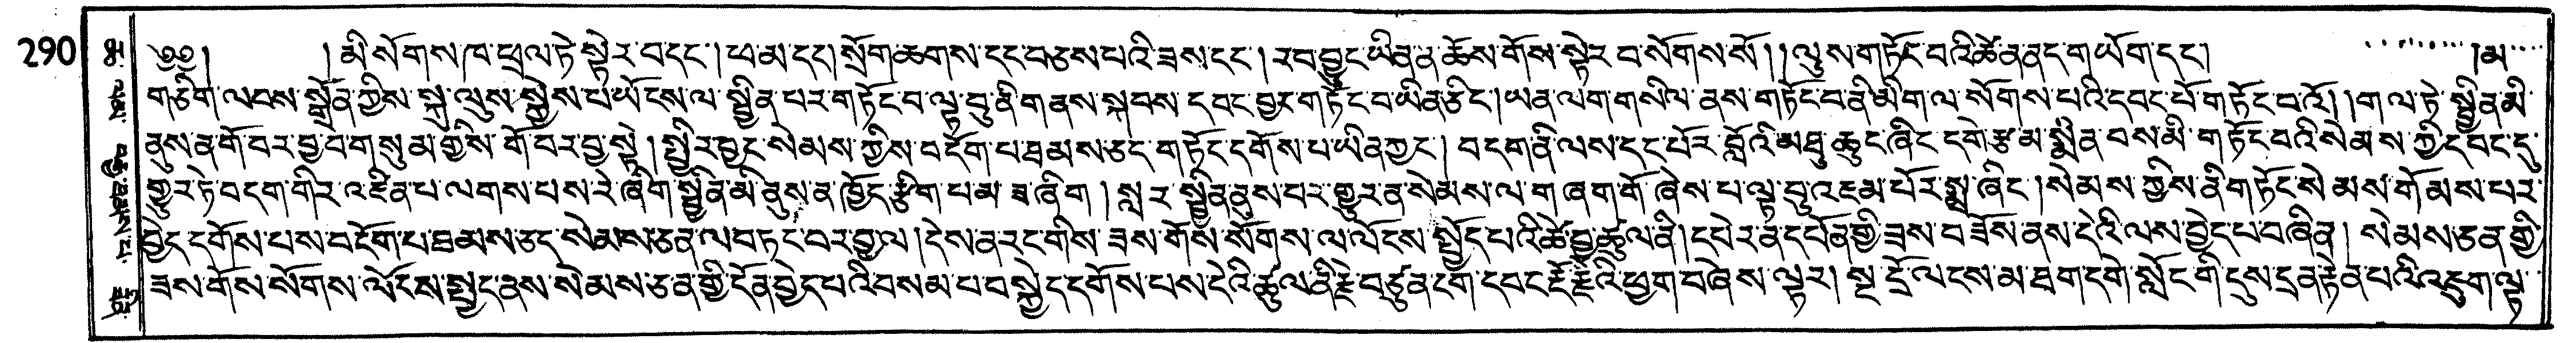༄༅། །མི་སོགས་ཁ་ཕྲལ་ཏེ་སྟེར་བ་དང་། ཕ་མ་དང་། སྲོག་ཆགས་དང་བཅས་པའི་ཟས་དང་། རབ་བྱུང་ཡིན་ན་ཆོས་གོས་སྟེར་བ་སོགས་སོ། །ལུས་གཏོང་བའི་ཚེ་ན་ནད་གཡོག་དང་། །མ་
གཅིག་ལབས་སྒྲོན་གྱིས་སྐུ་ལུས་སྐྱེས་པ་ཡོངས་ལ་སྦྱིན་པར་གཏོང་བ་ལྟ་བུ་ནི་གནས་སྐབས་དབང་བྱར་གཏོང་བ་ཡིན་ཅིང་། ཡན་ལག་གསིལ་ནས་གཏོང་བ་ནི་མིག་ལ་སོགས་པའི་དབང་པོ་གཏོང་བ་འོ། །གལ་ཏེ་སྦྱིན་མི་
ནུས་ན་གོ་བར་བྱ་བ་གསུམ་གྱིས་གོ་བར་བྱ་སྟེ། སྤྱིར་བྱང་སེམས་ཀྱིས་བདོག་པ་ཐམས་ཅད་གཏོང་དགོས་པ་ཡིན་ཀྱང་། བདག་ནི་ལས་དང་པོར་བློའི་མཐུ་ཆུང་ཞིང་དགེ་རྩ་མ་སྨིན་བས་མི་གཏོང་བའི་སེམས་ཀྱི་དབང་དུ་
གྱུར་ཏེ་བདག་གིར་འཛིན་པ་ལགས་པས་རེ་ཞིག་སྦྱིན་མི་ནུས་ན་ཁྱོད་རྩིག་པ་མ་ཟ་ཞིག །སླར་སྦྱིན་ནུས་པར་གྱུར་ན་སེམས་ལ་གཞག་གོ་ཞེས་པ་ལྟ་བུ་འཇམ་པོར་སྨྲ་ཞིང་། སེམས་ཀྱིས་ནི་གཏོང་སེམས་གོམས་པར་
བྱེད་དགོས་པས་བདོག་པ་ཐམས་ཅད་སེམས་ཅན་ལ་བཏང་བར་བྱ་ལ། དེས་ན་རང་གིས་ཟས་གོས་སོགས་ལ་ལོངས་སྤྱོད་པའི་ཚེ་བྱ་ཚུལ་ནི། དཔེར་ན་དཔོན་གྱི་ཟས་བཟོས་ནས་དེའི་ལས་བྱེད་པ་བཞིན། སེམས་ཅན་གྱི་
ཟས་གོས་སོགས་ལོངས་སྤྱད་ནས་སེམས་ཅན་གྱི་དོན་བྱེད་པའི་བསམ་པ་བསྐྱེད་དགོས་པས་དེའི་ཚུལ་ནི་རྗེ་བཙུན་ངག་དབང་རྡོ་རྗེའི་ཕྱག་བཞེས་ལྟར། སྔ་དྲོ་ལངས་མ་ཐག་དགེ་སློང་གི་དུས་དྲན་རྟེན་པའི་འཇུག་ལྟ་